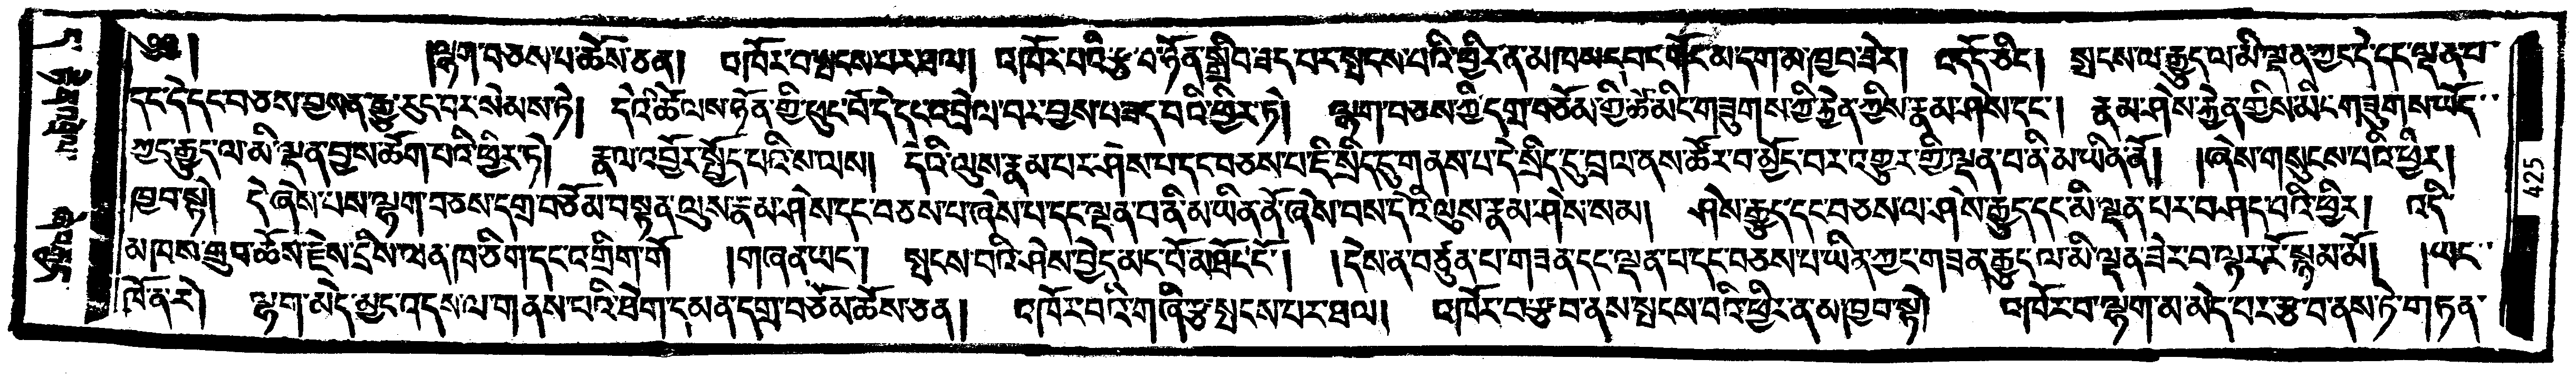༄༅། །ལྷག་བཅས་པ་ཆོས་ཅན། འཁོར་བ་སྤངས་པར་ཐལ། འཁོར་བའི་རྩ་བ་ཉོན་སྒྲིབ་ཟད་པར་སྤངས་པའི་ཕྱིར་ན་མཁས་དབང་གོང་མ་དག་མ་ཁྱབ་ཟེར། འདོད་ཅིང་། སྤངས་ལ་རྒྱུད་ལ་མི་ལྡན་ཀྱང་དེ་དང་ལྡན་པ་
དང་དེ་དང་བཅས་བྱས་ན་རྒྱུ་རུང་བར་སེམས་ཏེ། དེའི་ཚེ་ལས་ཉོན་གྱི་ཕུང་པོ་དེ་དང་འབྲེལ་བར་བྱས་པ་ཟད་བའི་ཕྱིར་ཏེ། ལྷག་བཅས་ཀྱི་དགྲ་བཅོམ་གྱི་ཚེ་མིང་གཟུགས་ཀྱི་རྐྱེན་ཀྱིས་རྣམ་ཤེས་དང་། རྣམ་ཤེས་རྐྱེན་གྱིས་མིང་གཟུགས་ཡོད་
ཀྱང་རྒྱུད་ལ་མི་ལྡན་བྱས་ཆོག་པའི་ཕྱིར་ཏེ། རྣལ་འབྱོར་སྤྱོད་པའི་ས་ལས། དེའི་ལུས་རྣམ་པར་ཤེས་པ་དང་བཅས་པ་ཇི་སྲིད་དུ་གནས་པ་དེ་སྲིད་དུ་བྲལ་ནས་ཚོར་བ་མྱོང་བར་འགྱུར་གྱི་ལྡན་པ་ནི་མ་ཡིན་ནོ། །ཞེས་གསུངས་བའི་ཕྱིར།
ཁྱབ་སྟེ། དེ་ཞེས་པས་ལྷག་བཅས་དགྲ་བཅོམ་བསྟན་ལུས་རྣམ་ཤེས་དང་བཅས་པ་ཞེས་པ་དང་ལྡན་པ་ནི་མ་ཡིན་ནོ་ཞེས་བས་དེའི་ལུས་རྣམ་ཤེས་སམ། ཤེས་རྒྱུད་དང་བཅས་ལ་ཤེས་རྒྱུད་དང་མི་ལྡན་པར་བཤད་པའི་ཕྱིར། འདི་
མཁས་གྲུབ་ཆོས་རྗེས་དྲིས་ལན་ཁ་ཅིག་དང་འགྲིག་གོ །གཞན་ཡང་། སྤངས་པའི་ཤེས་བྱེད་མང་པོ་མཐོང་ངོ། །དེས་ན་བཙུན་པ་གཟན་དང་ལྡན་པ་དང་བཅས་པ་ཡིན་ཀྱང་གཟན་རྒྱུད་ལ་མི་ལྡན་ཟེར་བ་ལྟར་རོ་སྙམ་མོ། །ཡང་
ཁོ་ན་རེ། ལྷག་མེད་མྱང་འདས་ལ་གནས་པའི་ཐེག་དམན་དགྲ་བཅོམ་ཆོས་ཅན། འཁོར་བའི་གཞི་རྩ་སྤངས་པར་ཐལ། འཁོར་བ་རྩ་བ་ནས་སྤངས་པའི་ཕྱིར་ན་མ་ཁྱབ་སྟེ། འཁོར་བ་ལྷག་མ་མེད་པར་རྩ་བ་ནས་ཏེ་གཏན་